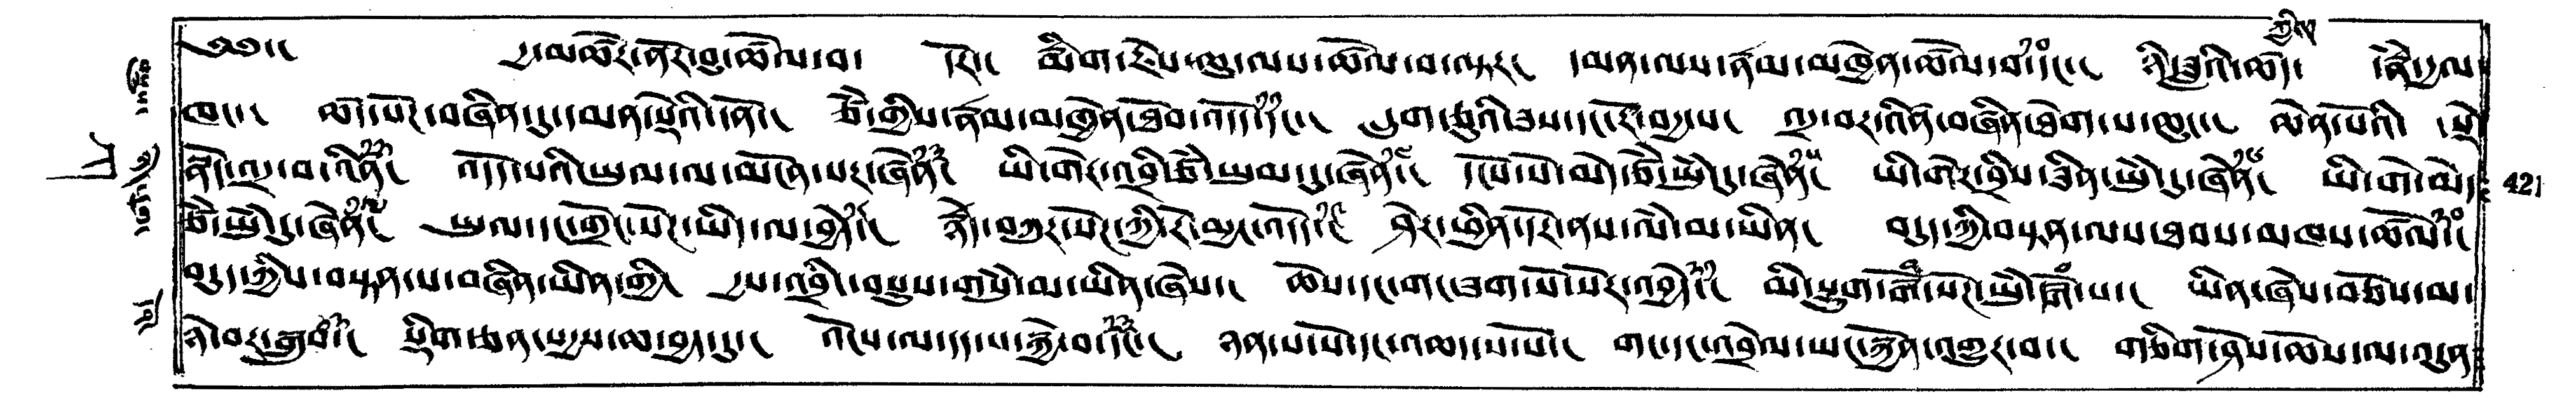རྒྱ་མཚོར་ནོར་བུ་ཚོལ་བ་དོར། །རྨིག་རྗེས་ཆུ་ལས་ཚོལ་བ་ལྟར། །དམན་ལས་རྣམ་མཁྱེན་ཚོལ་བ་དང་། །ཉི་ཟླའི་ཚད་ཀྱི་རྣམ་རྒྱལ་
ཁང་། །ཚད་སོགས་བཞིན་དུ་དམན་སྡེའི་དོན། །ཙམ་གྱིས་རྣམ་མཁྱེན་འཐོབ་འདོད་དང་། །དྲུག་ཅུའི་ཟས་དང་རོ་བརྒྱ་པ། །འདྲ་བར་འཛིན་བཞིན་ཐེག་པ་ཆུང་། །ཆེན་པོའི་སྡེ་
སྣོད་འདྲ་བ་འཛིན། །འདོད་པའི་ཡུལ་ལ་མངོན་པར་ཞེན། །ཡི་གེར་འབྲི་ཙམ་ཡུམ་དུ་ཞེན། །དངོས་པོ་མེད་ཙམ་ཡུམ་དུ་ཞེན། །ཡི་གེར་བྲིས་ཟིན་ཡུམ་དུ་ཞེན། །ཡི་གེ་མེད་
ཙམ་ཡུམ་དུ་ཞེན། །ཡུལ་དང་གྲོང་སོགས་ཡིད་ལ་བྱེད། །རྙེད་བཀུར་སོགས་ཀྱི་རོ་མྱང་འདོད། །ཤེར་ཕྱིན་དོར་ནས་ལམ་མ་ཡིན། །བདུད་ཀྱི་བསྟན་ལས་ཐབས་མཁས་ཚོལ། །
བདུད་ཀྱིས་བསྟན་པ་བཞིན་ཡིན་གྱི། །རྒྱས་འབྲིང་བསྡུས་གསུམ་མ་ཡིན་ཞེས། །ཆོས་དང་གང་ཟག་སོ་སོར་འབྱེད། །མི་སྡུག་སྒོམ་སོགས་ཡུམ་སྒོམ་པ། །ཡིན་ཞེས་བཅོས་མ་
ཉེ་བར་སྒྲུབ། །སྡིག་ཅན་སངས་རྒྱས་ཆ་བྱད་དུ། །འོངས་ལ་དད་པ་སྐྱེ་བ་དང་། །ཉན་པ་པོ་དང་འཆད་པ་པོ། །གང་དང་འབྲེལ་ཡང་སྐྱོན་འགྱུར་བ། །གཅིག་ཤོས་ཆོས་ལ་འདུན་